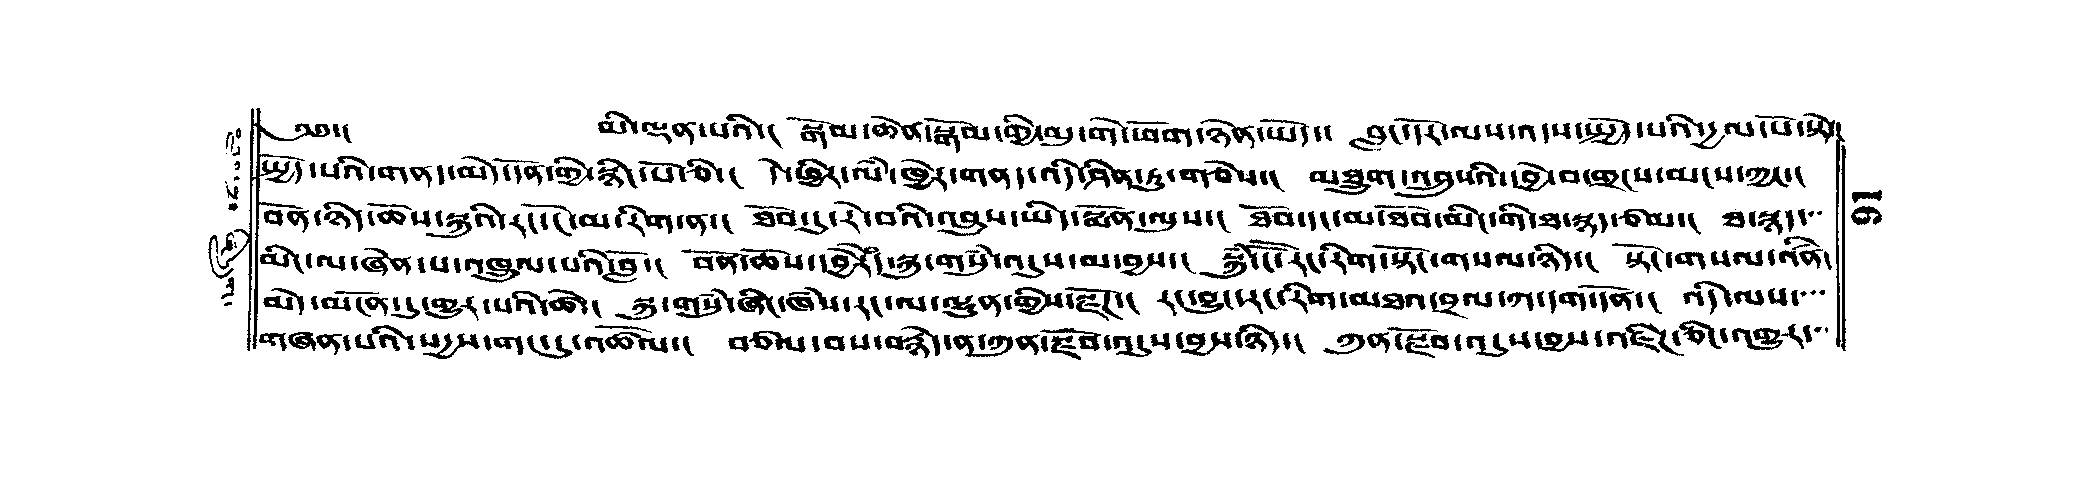མི་ལྡན་པའི། །སྒོམ་ཆེན་སྒོམ་གྱི་མུ་གེ་ཕོག་ཉེན་ཡོད། །བླང་དོར་ལས་འདས་སྤྱོད་པའི་རྒྱལ་པོ་སྟེ། །
སྤྱོད་པའི་གནད་མེད་དོན་གྱི་སྙིང་པོ་ཅི། །དེ་ཕྱིར་ལམ་ཁྱེར་གནད་འདི་ཤིན་ཏུ་གཅེས། །མཐར་ཐུག་འབྲས་བུའི་དབྱེ་བ་གྲངས་མངས་ཀྱང་། །
བོན་ཉིད་ཆོས་སྐུའི་རང་ངོ་མ་རིག་ན། །ཐོབ་དུ་རེ་བའི་འབྲས་བུ་ཡིད་སྨོན་ལུས། །ཐོབ་དང་མ་ཐོབ་མིང་གི་ཐ་སྙད་ཙམ། །ཐ་སྙད་
མིང་ལ་ཞེན་པ་འཁྲུལ་བའི་བློ། །བོན་ཆོས་དབྱེར་མེད་སྐུ་གསུམ་འདུས་མ་བྱས། །སྐུ་གསུམ་རང་ངོ་རང་རིག་སྟོང་གསལ་ཉིད། །སྟོང་གསལ་འཛིན་
མེད་མངོན་དུ་གྱུར་བའི་ཚེ། །སྐུ་གསུམ་ཞིང་ཁམས་རང་ལ་ལྷུན་གྱིས་གྲུབ། །རང་བྱུང་རང་རིག་མཐའ་བྲལ་ཀ་དག་དོན། །འདི་ལས་
གཞན་པའི་སངས་རྒྱས་གང་དུ་འཚོལ། །བཙལ་བས་རྙེད་ན་ཀུན་རྫོབ་འདུས་བྱས་ཉིད། །ཀུན་རྫོབ་འདུས་བྱས་འཇིག་ཅིང་འགྱུར་